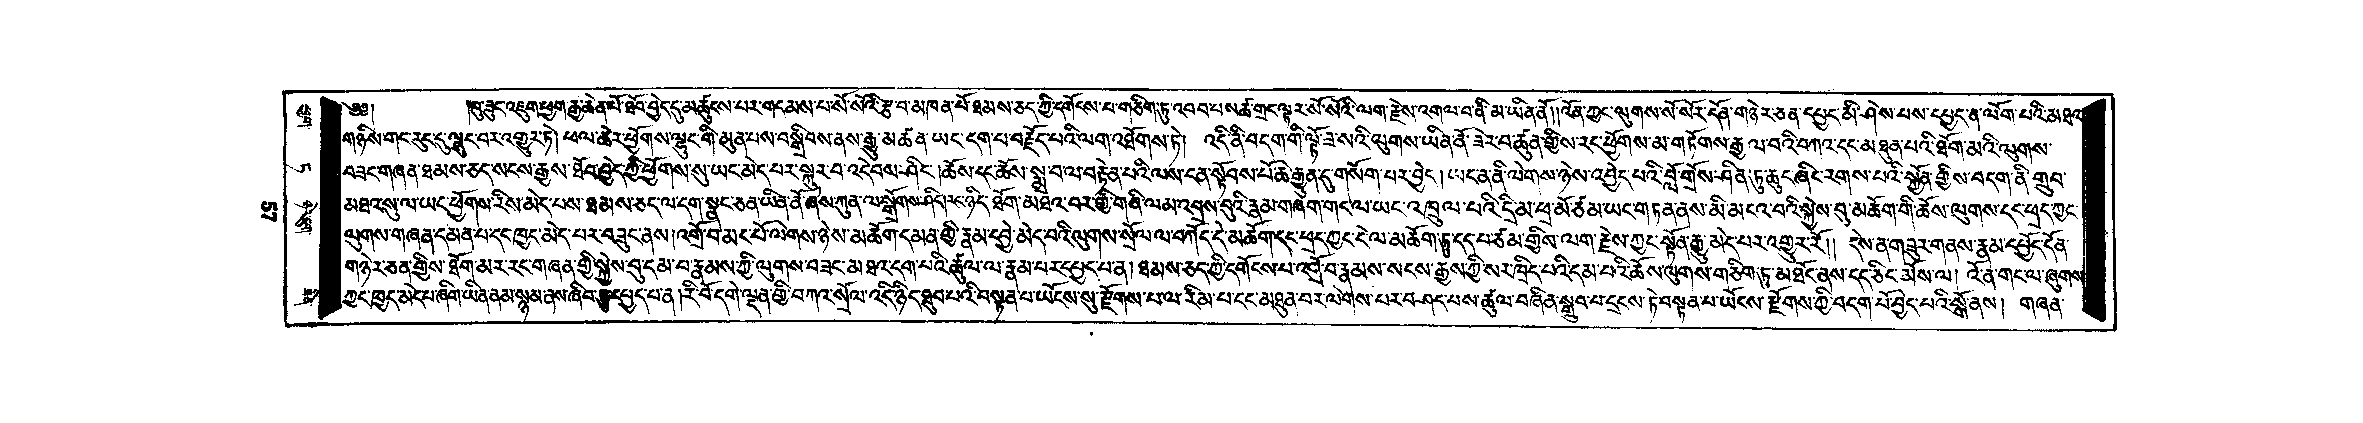༄༅། །བུ་ཟུང་འཇུག་ཕྱག་རྒྱ་ཆེན་པོ་ཐོབ་བྱེད་དུ་མཚུངས་པར་གདམས་པ་སོ་སོའི་རྩ་བ་མཁན་པོ་ཐམས་ཅད་ཀྱི་དགོངས་པ་གཅིག་ཏུ་འབབ་པས་ཚ་གྲང་ལྟར་སོ་སོའི་ལག་རྗེས་འགལ་བ་ནི་མ་ཡིན་ནོ། །འོན་ཀྱང་ལུགས་སོ་སོར་དོན་གཉེར་ཅན་དཔྱད་མི་ཤེས་པས་དཔྱད་ན་ལོག་པའི་མཐའ་
གཉིས་གང་རུང་དུ་ལྷུང་བར་འགྱུར་ཏེ། ཕལ་ཆེར་ཕྱོགས་ལྷུང་གི་མུན་པས་བསྒྲིབས་ནས་རྒྱུ་མཚན་ཡང་དག་པ་བརྗོད་པའི་ལག་འཐོགས་ཏེ། འདི་ནི་བདག་གི་ལྟོ་ཟ་སའི་ལུགས་ཡིན་ནོ་ཟེར་བ་ཚུན་གྱིས་རང་ཕྱོགས་མ་གཏོགས་རྒྱལ་བའི་བཀའ་དང་མཐུན་པའི་ཐོག་མའི་ལུགས་
བཟང་གཞན་ཐམས་ཅད་སངས་རྒྱས་ཐོབ་བྱེད་ཀྱི་ཕྱོགས་སུ་ཡང་མེད་པར་སྐུར་བ་འདེབས་ཤིང་། ཆོས་དང་ཆོས་སྨྲ་བ་ལ་བརྟེན་པའི་ལས་ངན་སྟོབས་པོ་ཆེ་རྒྱུན་དུ་གསོག་པར་བྱེད། ཡང་ན་ནི་ལེགས་ཉེས་འབྱེད་པའི་བློ་གྲོས་ཤིན་ཏུ་ཆུང་ཞིང་རགས་པའི་སྐྱོན་གྱིས་བདག་ནི་གྲུབ་
མཐའ་སུ་ལ་ཡང་ཕྱོགས་རིས་མེད་པས་ཐམས་ཅད་ལ་དག་སྣང་ཅན་ཡིན་ནོ་ཞེས་ཀུན་ལ་སྒྲོགས་ཤིང་། རང་ཉིད་ཐོག་མཐའ་བར་གྱི་གཞི་ལམ་འབྲས་བུའི་རྣམ་གཞག་གང་ལ་ཡང་འཁྲུལ་པའི་དྲི་མ་ཕྲ་མོ་ཙམ་ཡང་གཏན་ནས་མི་མངའ་བའི་སྐྱེས་བུ་མཆོག་གི་ཆོས་ལུགས་དང་ཕྲད་ཀྱང་
ལུགས་གཞན་དམན་པ་དང་ཁྱད་མེད་པར་བཟུང་ནས། འགྲོ་བ་མང་པོ་ལེགས་ཉེས་མཆོག་དམན་གྱི་རྣམ་དབྱེ་མེད་པའི་ལུགས་སྲོལ་ལ་བཀོད་དེ་མཆོག་དང་ཕྲད་ཀྱང་ངེ་ལ་མཆོག་ཏུ་དད་པ་ཙམ་གྱིས་ལག་རྗེས་ཀྱང་སྟོན་རྒྱུ་མེད་པར་འགྱུར་རོ། །དེས་ན་གཟུར་གནས་རྣམ་དཔྱོད་དོན་
གཉེར་ཅན་གྱིས་ཐོག་མར་རང་གཞན་གྱི་སྐྱེས་བུ་དམ་པ་རྣམས་ཀྱི་ལུགས་བཟང་མཐའ་དག་པའི་ཚུལ་ལ་རྣམ་པར་དཔྱད་པ་ན། ཐམས་ཅད་ཀྱི་དགོངས་པ་འགྲོ་བ་རྣམས་སངས་རྒྱས་ཀྱི་སར་ཁྲིད་པའི་དམ་པའི་ཆོས་ལུགས་གཅིག་ཏུ་མཐོང་ནས་དད་ཅིང་མོས་ལ། འོ་ན་གང་ལ་ཞུགས་
ཀྱང་ཁྱད་མེད་པ་ཞིག་ཡིན་ནམ་སྙམ་ནས་ཞིབ་ཏུ་དཔྱད་པ་ན། རི་བོ་དགེ་ལྡན་གྱི་བཀའ་སྲོལ་འདི་ཉིད་ཐུབ་པའི་བསྟན་པ་ཡོངས་སུ་རྫོགས་པ་ལ་རིམ་པ་དང་མཐུན་པར་ལེགས་པར་བཤད་པས་ཚུལ་བཞིན་སྒྲུབ་པ་དྲངས་ཏེ་བསྟན་པ་ཡོངས་རྫོགས་ཀྱི་བདག་པོ་བྱེད་པའི་སྒོ་ནས། གཞན་